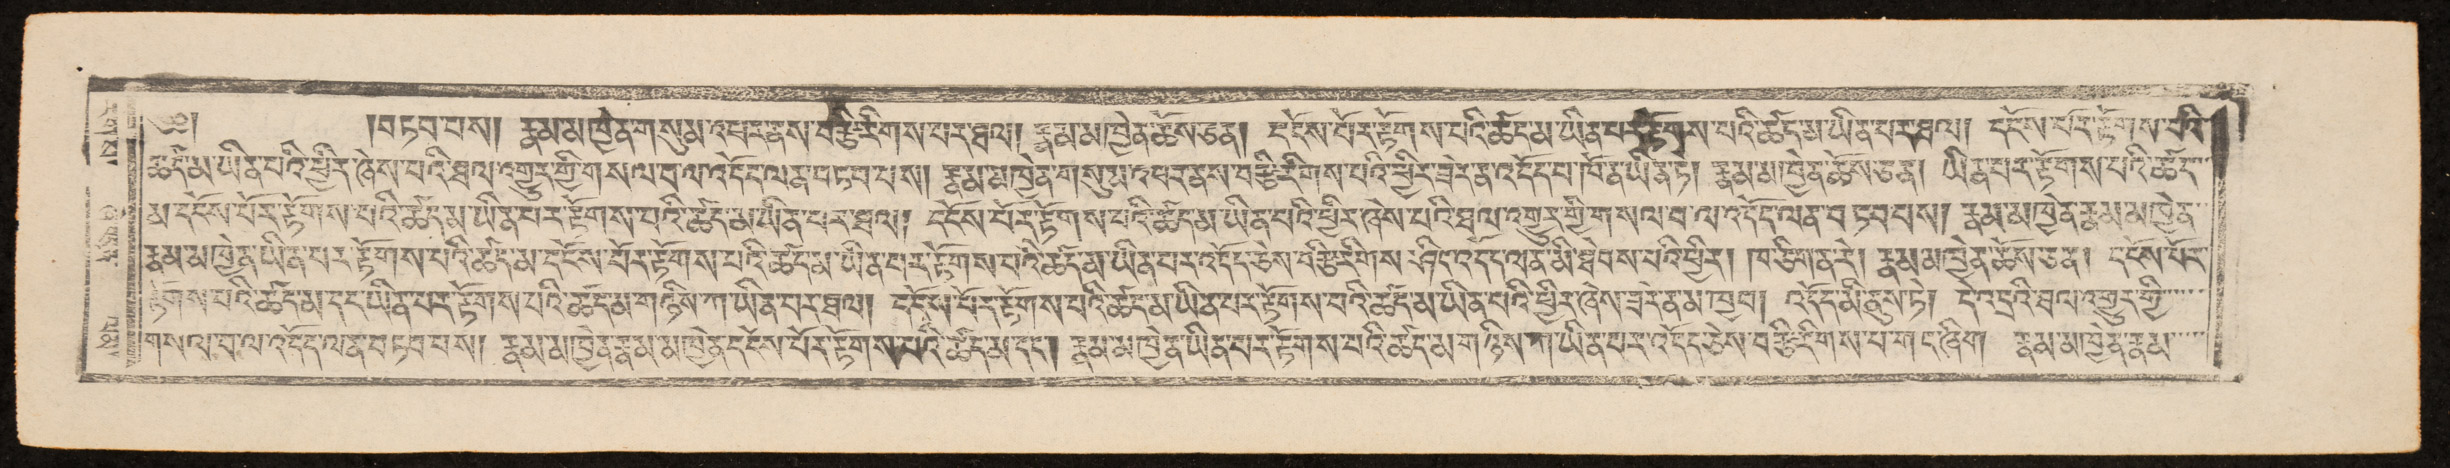༄༅། །བཏབ་པས། རྣམ་མཁྱེན་གསུམ་འཕར་ནས་བརྩི་རིགས་པར་ཐལ། རྣམ་མཁྱེན་ཆོས་ཅན། དངོས་པོར་རྟོགས་པའི་ཚད་མ་ཡིན་པར་རྟོགས་པའི་ཚད་མ་ཡིན་པར་ཐལ། དངོས་པོར་རྟོགས་པའི་
ཚད་མ་ཡིན་པའི་ཕྱིར་ཞེས་པའི་ཐལ་འགྱུར་གྱི་གསལ་བ་ལ་འདོད་ལན་བཏབ་པས། རྣམ་མཁྱེན་གསུམ་འཕར་ནས་བརྩི་རིགས་པའི་ཕྱིར་ཟེར་ན་འདོད་པ་ཁོ་ན་ཡིན་ཏེ། རྣམ་མཁྱེན་ཆོས་ཅན། ཡིན་པར་རྟོགས་པའི་ཚད་
མ་དངོས་པོར་རྟོགས་པའི་ཚད་མ་ཡིན་པར་རྟོགས་པའི་ཚད་མ་ཡིན་པར་ཐལ། དངོས་པོར་རྟོགས་པའི་ཚད་མ་ཡིན་པའི་ཕྱིར་ཞེས་པའི་ཐལ་འགྱུར་གྱི་གསལ་བ་ལ་འདོད་ལན་བཏབ་པས། རྣམ་མཁྱེན་རྣམ་མཁྱེན་
རྣམ་མཁྱེན་ཡིན་པར་རྟོགས་པའི་ཚད་མ་དངོས་པོར་རྟོགས་པའི་ཚད་མ་ཡིན་པར་རྟོགས་པའི་ཚད་མ་ཡིན་པར་འདོད་ཅེས་བརྩི་རིགས་ཤིང་འདོད་ལན་མི་ཐེབས་པའི་ཕྱིར། ཁ་ཅིག་ན་རེ། རྣམ་མཁྱེན་ཆོས་ཅན། དངོས་པོར་
རྟོགས་པའི་ཚད་མ་དང་ཡིན་པར་རྟོགས་པའི་ཚད་མ་གཉིས་ཀ་ཡིན་པར་ཐལ། དངོས་པོར་རྟོགས་པའི་ཚད་མ་ཡིན་པར་རྟོགས་པའི་ཚད་མ་ཡིན་པའི་ཕྱིར་ཞེས་ཟེར་ན་མ་ཁྱབ། འདོད་མི་ནུས་ཏེ། དེ་འདྲའི་ཐལ་འགྱུར་གྱི་
གསལ་བ་ལ་འདོད་ལན་བཏབ་པས། རྣམ་མཁྱེན་རྣམ་མཁྱེན་དངོས་པོར་རྟོགས་པའི་ཚད་མ་དང་། རྣམ་མཁྱེན་ཡིན་པར་རྟོགས་པའི་ཚད་མ་གཉིས་ཀ་ཡིན་པར་འདོད་ཅེས་བརྩི་རིགས་པ་གང་ཞིག །རྣམ་མཁྱེན་རྣམ་